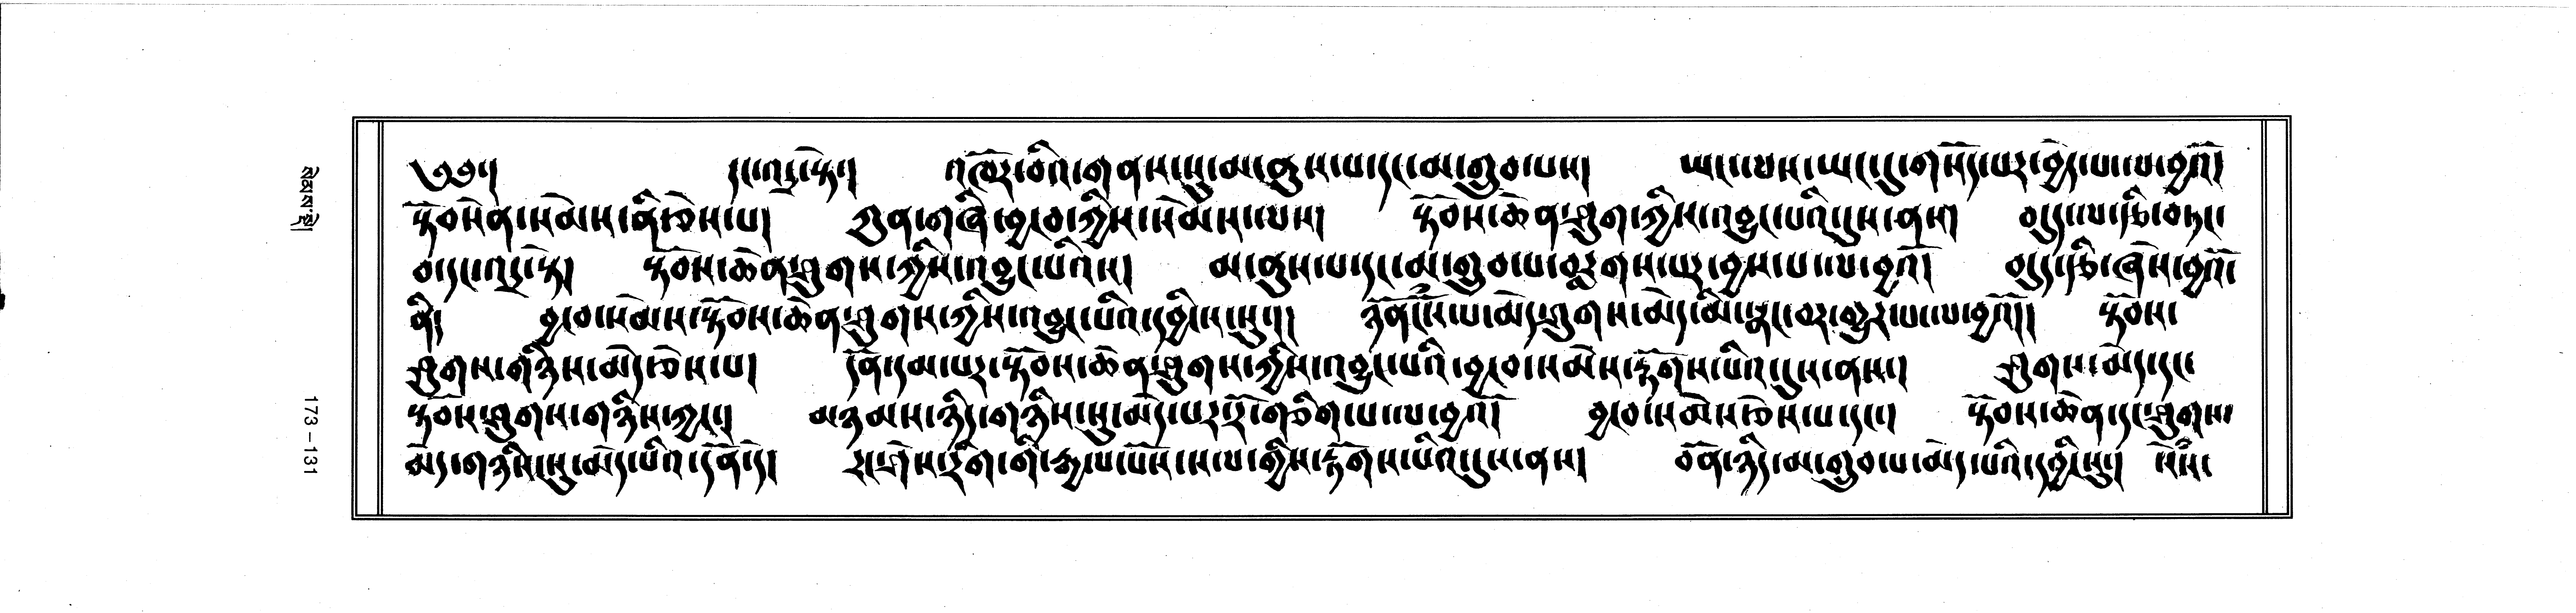དང་འདྲ་སྟེ་འཁོར་བའི་གནས་སུ་མ་ནུས་པ་དང་མ་གྲུབ་པས། ཡང་ནས་ཡང་དུ་གསོད་པར་བྱེད་པ་ལ་བྱའོ། །
སྟོབས་ཆེན་སེམས་ནི་ཅེས་པས། ཀུན་གཞི་བྱང་ཆུབ་ཀྱི་སེམས་ལས་སྟོབས་ཆེན་ཤུགས་ཀྱིས་འབྱུང་པའི་དུས་ནས། བདུད་ལ་རྩི་བཏང་
བ་དང་འདྲ་སྟེ། སཏོབས་ཆེན་ཤུགས་ཀྱིས་འབྱུང་པའི། མ་ནུས་པ་དང་མ་གྲུབ་པ་བརླག་པར་བྱེད་པ་ལ་བྱའོ། །བདུད་རྩི་ཅེས་བྱ་བ་
ནི་བྱང་ཆུབ་ཀྱི་སེམས་སྟོབས་ཆེན་ཤུགས་ཀྱིས་འབྱུང་བའི་དབྱིངས་སུ། ཉོན་མོངས་པ་མེད་༼པའི༽ཤུགས་མི་སྣང་བར་གྱུར་པ་ལ་བྱའོ། །སྟོབས་
ཤུགས་གཉིས་མེད་ཅེས་པས། དོན་དམ་པར་སྟོབས་ཆེན་ཤུགས་ཀྱིས་འབྱུང་བའི་བྱང་ཆུབ་ཀྱི་སེམས་རྟོགས་པའི་དུས་ན། ཤུགས་མེད་དང་
སྟོབས་ཤུགས་གཉིས་ཀྱང་། མཉམ་པ་ཉིད་གཉིས་སུ་མེད་པར་རོ་གཅིག་པ་ལ་བྱའོ། །བྱང་ཆུབ་སེམས་ཅེས་པ། སྟོབས་ཆེན་དང་ཤུགས་
མེད་གཉིས་སུ་མེད་པའི་དོན་དེ། རང་ཤེས་རིག་གི་རྒྱལ་པོས་༼གཉིས་སུ་མེད་པའི་དོན་དེ་༽སལ་གྱིས་རྟོགས་པའི་དུས་ནས། བོན་ཉིད་མ་གྲུབ་པ་མེད་པའི་དབྱིངས་སུ། སེམས་